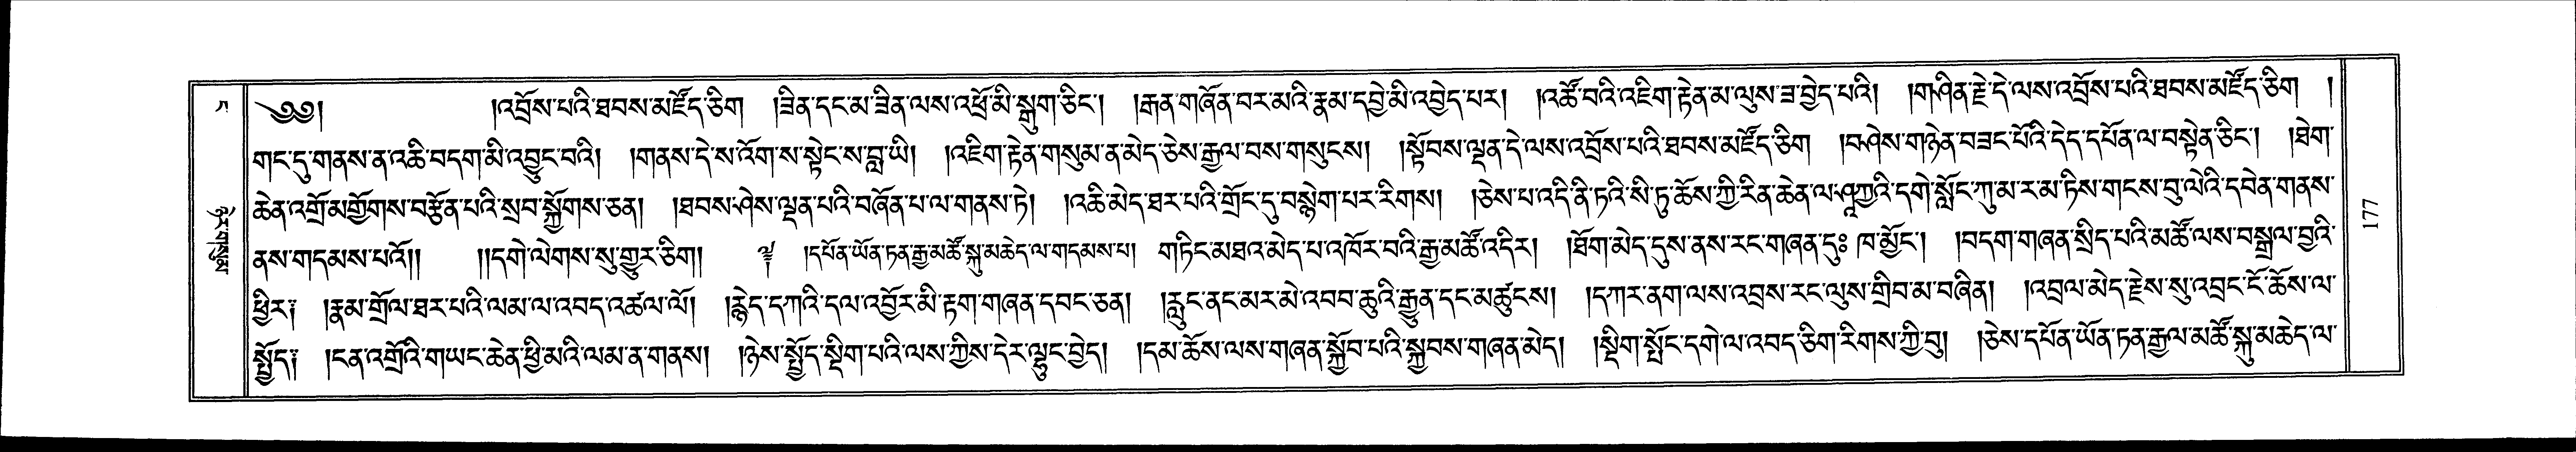༄༅། །འབྲོས་པའི་ཐབས་མཛོད་ཅིག །ཟིན་དང་མ་ཟིན་ལས་འཕྲོ་མི་སྒུག་ཅིང་། །རྒན་གཞོན་བར་མའི་རྣམ་དབྱེ་མི་འབྱེད་པར། །འཚོ་བའི་འཇིག་རྟེན་མ་ལུས་ཟ་བྱེད་པའི། །གཤིན་རྗེ་དེ་ལས་འབྲོས་པའི་ཐབས་མཛོད་ཅིག་
གང་དུ་གནས་ན་འཆི་བདག་མི་འབྱུང་བའི། །གནས་དེ་ས་འོག་ས་སྟེང་ས་བླ་ཡི། །འཇིག་རྟེན་གསུམ་ན་མེད་ཅེས་རྒྱལ་བས་གསུངས། །སྟོབས་ལྡན་དེ་ལས་འབྲོས་པའི་ཐབས་མཛོད་ཅིག །བཤེས་གཉེན་བཟང་པོའི་དེད་དཔོན་ལ་བསྟེན་ཅིང་། །ཐེག་
ཆེན་འགྲོ་མགྱོགས་བརྩོན་པའི་སྲབ་སྐྱོགས་ཅན། །ཐབས་ཤེས་ལྡན་པའི་བཞོན་པ་ལ་གནས་ཏེ། །འཆི་མེད་ཐར་པའི་གྲོང་དུ་བསྙེག་པར་རིགས། །ཅེས་པ་འདི་ནི་ཏའི་སི་ཏུ་ཆོས་ཀྱི་རིན་ཆེན་ལ་ཤཱཀྱི་དགེ་སློང་ཀུ་མ་ར་མ་ཏིས་གངས་བུ་ལེའི་དབེན་གནས་
ནས་གདམས་པའོ། ། །།དགེ་ལེགས་སུ་གྱུར་ཅིག། ༈ །དཔོན་ཡོན་ཏན་རྒྱ་མཚོ་སྐུ་མཆེད་ལ་གདམས་པ། གཏིང་མཐའ་མེད་པ་འཁོར་བའི་རྒྱ་མཚོ་འདིར། །ཐོག་མེད་དུས་ནས་རང་གཞན་དུཿ ཁ་མྱོང་། །བདག་གཞན་སྲིད་པའི་མཚོ་ལས་བསྒྲལ་བྱའི་
ཕྱིར། །རྣམ་གྲོལ་ཐར་པའི་ལམ་ལ་འབད་འཚལ་ལོ། །རྙེད་དཀའི་དལ་འབྱོར་མི་རྟག་གཞན་དབང་ཅན། །རླུང་ནང་མར་མེ་འབབ་ཆུའི་རྒྱུན་དང་མཚུངས། །དཀར་ནག་ལས་འབྲས་རང་ལུས་གྲིབ་མ་བཞིན། །འབྲལ་མེད་རྗེས་སུ་འབྲང་ངོ་ཆོས་ལ་
སྤྱོད། །ངན་འགྲོའི་གཡང་ཆེན་ཕྱི་མའི་ལམ་ན་གནས། །ཉེས་སྤྱོད་སྡིག་པའི་ལས་ཀྱིས་དེར་ལྷུང་བྱེད། །དམ་ཆོས་ལས་གཞན་སྐྱོབ་པའི་སྐྱབས་གཞན་མེད། །སྡིག་སྤོང་དགེ་ལ་འབད་ཅིག་རིགས་ཀྱི་བུ། །ཅེས་དཔོན་ཡོན་ཏན་རྒྱལ་མཚོ་སྐུ་མཆེད་ལ་